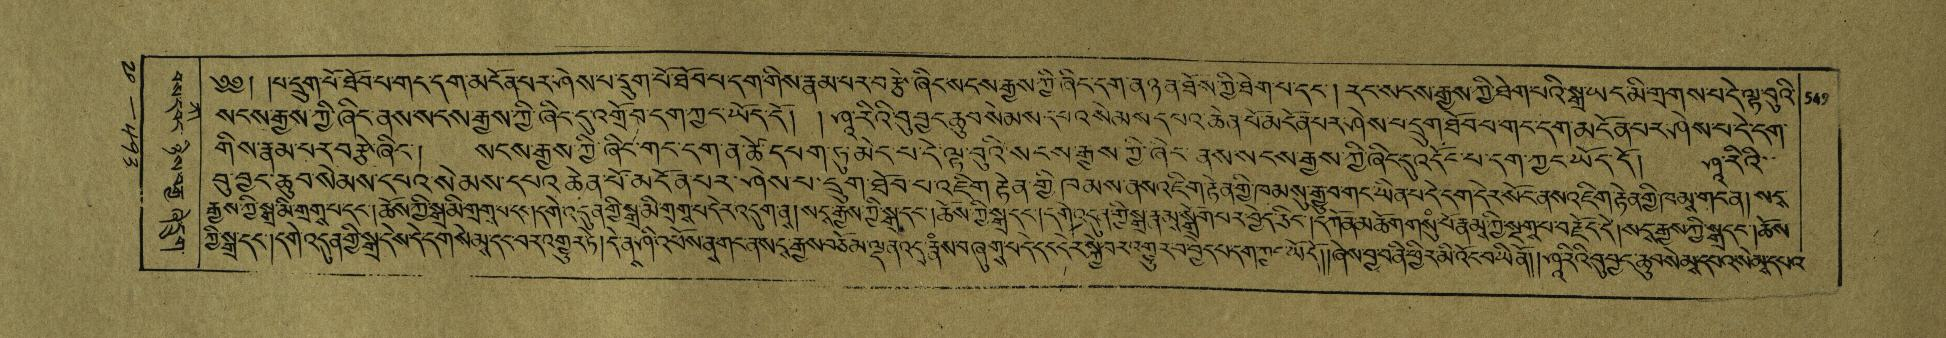༄༅། །པ་དྲུག་པོ་ཐོབ་པ་གང་དག་མངོན་པར་ཤེས་པ་དྲུག་པོ་ཐོབ་པ་དག་གིས་རྣམ་པར་བརྩེ་ཞིང་སངས་རྒྱས་ཀྱི་ཞིང་དག་ན་ཉན་ཐོས་ཀྱི་ཐེག་པ་དང་། རང་སངས་རྒྱས་ཀྱི་ཐེག་པའི་སྒྲ་ཡང་མི་གྲགས་པ་དེ་ལྟ་བུའི་
སངས་རྒྱས་ཀྱི་ཞིང་ནས་སངས་རྒྱས་ཀྱི་ཞིང་དུ་འགྲོ་བ་དག་ཀྱང་ཡོད་དོ། །ཤཱ་རིའི་བུ་བྱང་ཆུབ་སེམས་དཔའ་སེམས་དཔའ་ཆེན་པོ་མངོན་པར་ཤེས་པ་དྲུག་ཐོབ་པ་གང་དག་མངོན་པར་ཤེས་པ་དེ་དག་
གིས་རྣམ་པར་བརྩེ་ཞིང་། སངས་རྒྱས་ཀྱི་ཞིང་གང་དག་ན་ཚེ་དཔག་ཏུ་མེད་པ་དེ་ལྟ་བུའི་སངས་རྒྱས་ཀྱི་ཞིང་ནས་སངས་རྒྱས་ཀྱི་ཞིང་དུ་འདོང་པ་དག་ཀྱང་ཡོད་དོ། ཤཱ་རིའི་
བུ་བྱང་ཆུབ་སེམས་དཔའ་སེམས་དཔའ་ཆེན་པོ་མངོན་པར་ཤེས་པ་དྲུག་ཐོབ་པ་འཇིག་རྟེན་གྱི་ཁམས་ནས་འཇིག་རྟེན་གྱི་ཁམྶུ་རྒྱུ་བ་གང་ཡིན་པ་དེ་དག་དེར་སོང་ནས་འཇིག་རྟེན་གྱི་ཁམས་གང་ན། སངས་
རྒྱས་ཀྱི་སྒྲ་མི་གྲགས་པ་དང་། ཆོས་ཀྱི་སྒྲ་མི་གྲགས་པ་དང་། དགེ་འདུན་གྱི་སྒྲ་མི་གྲགས་པ་དེར་འདུག་ནས། སངས་རྒྱས་ཀྱི་སྒྲ་དང་། ཆོས་ཀྱི་སྒྲ་དང་། དགེ་འདུན་གྱི་སྒྲ་རྣམས་སྒྲོག་པར་བྱེད་ཅིང་། དཀོན་མཆོག་གསུཾ་པོ་རྣམས་ཀྱི་སྔགས་པ་བརྗོད་དེ། སངས་རྒྱས་ཀྱི་སྒྲ་དང་། ཆོས་
ཀྱི་སྒྲ་དང་། དགེ་འདུན་གྱི་སྒྲ་དེས་དེ་དག་སེམས་དང་བར་འགྱུར་ཏེ། དེ་ནས་ཤི་འཕོས་ནས་གང་ན་སངས་རྒྱས་བཅོམ་ལྡན་འདས་རྣཾས་བཞུགས་པ་དེ་དང་དེར་སྐྱེ་བར་འགྱུར་བ་བྱེད་པ་དག་ཀྱང་ཡོདོ། །ཞེས་བྱ་བ་ནི་ཕྱིར་མི་འོང་བ་ཡིནོ། །ཤཱ་རིའི་བུ་བྱང་ཆུབ་སེམས་དཔའ་སེམས་དཔའ་